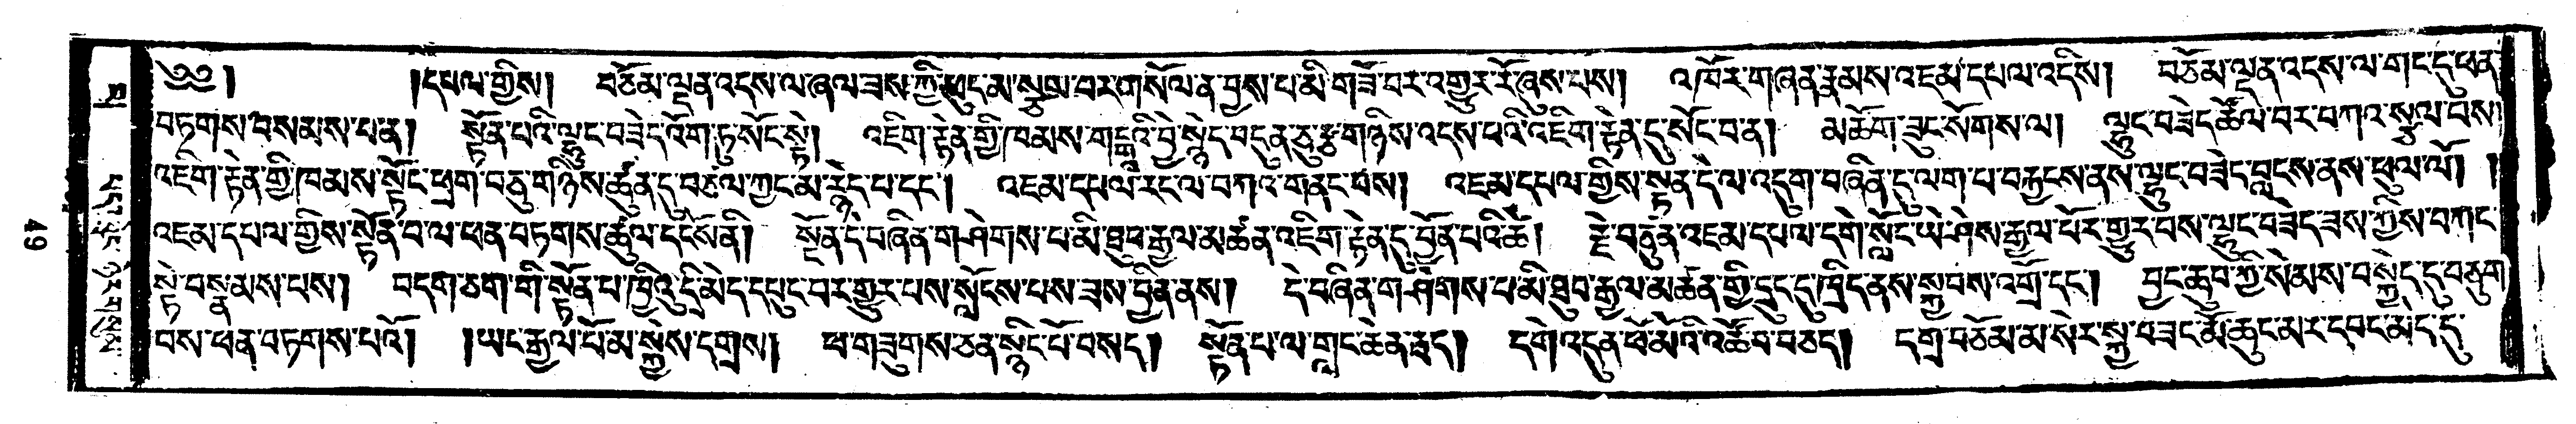༄༅། །དཔལ་གྱིས། བཅོམ་ལྡན་འདས་ལ་ཞལ་ཟས་ཀྱི་ཕུང་མ་སྩལ་བར་གསོལ་ན་བྱས་པ་མི་གཟོ་བར་འགྱུར་རོ་ཞུས་པས། འཁོར་གཞན་རྣམས་འཇམ་དཔལ་འདིས། བཅོམ་ལྡན་འདས་ལ་གང་དུ་ཕན་
བཏགས་བསམས་པ་ན། སྟོན་པའི་ལྷུང་བཟེད་འོག་ཏུ་སོང་སྟེ། འཇིག་རྟེན་གྱི་ཁམས་གངྒཱའི་བྱེ་སྙེད་བདུན་ཅུ་རྩ་གཉིས་འདས་པའི་འཇིག་རྟེན་དུ་སོང་བ་ན། མཆོག་ཟུང་སོགས་ལ། ལྷུང་བཟེད་ཚོལ་བར་བཀའ་སྩལ་པས།
འཇིག་རྟེན་གྱི་ཁམས་སྟོང་ཕྲག་བཅུ་གཉིས་ཚུན་དུ་བཙལ་ཀྱང་མ་རྙེད་པ་དང་། འཇམ་དཔལ་རང་ལ་བཀའ་གནང་བས། འཇམ་དཔལ་གྱིས་སྟན་དེ་ལ་འདུག་བཞིན་དུ་ལག་པ་བརྐྱངས་ནས་ལྷུང་བཟེད་བླངས་ནས་ཕུལ་ལོ། །
འཇམ་དཔལ་གྱིས་སྟོང་པ་ལ་ཕན་བཏགས་ཚུལ་དངོས་ནི། སྔོན་དེ་བཞིན་གཤེགས་པ་མི་ཐུབ་རྒྱལ་མཚན་འཇིག་རྟེན་དུ་བྱོན་པའི་ཚེ། རྗེ་བཙུན་འཇམ་དཔལ་དགེ་སློང་ཡེ་ཤེས་རྒྱལ་པོར་གྱུར་བས་ལྷུང་བཟེད་ཟས་ཀྱིས་བཀང་
སྟེ་བསྣམས་པས། བདག་ཅག་གི་སྟོན་པ་ཁྱིའུ་དྲི་མེད་དཔུང་བར་གྱུར་པས་སློངས་པས་ཟས་བྱིན་ནས། དེ་བཞིན་གཤེགས་པ་མི་ཐུབ་རྒྱལ་མཚན་གྱི་དྲུང་དུ་ཁྲིད་ནས་སྐྱབས་འགྲོ་དང་། བྱང་ཆུབ་ཀྱི་སེམས་བསྐྱེད་དུ་བཅུག་
བས་ཕན་བཏགས་པའོ། །ཡང་རྒྱལ་པོ་མ་སྐྱེས་དགྲས། ཕ་གཟུགས་ཅན་སྙིང་པོ་བསད། སྟོན་པ་ལ་གླང་ཆེན་རྦད། དགེ་འདུན་ཕོ་མོའི་འཚོ་བ་བཅད། དགྲ་བཅོམ་མ་སེར་སྐྱ་བཟང་མོ་ཆུང་མར་དབང་མེད་དུ་